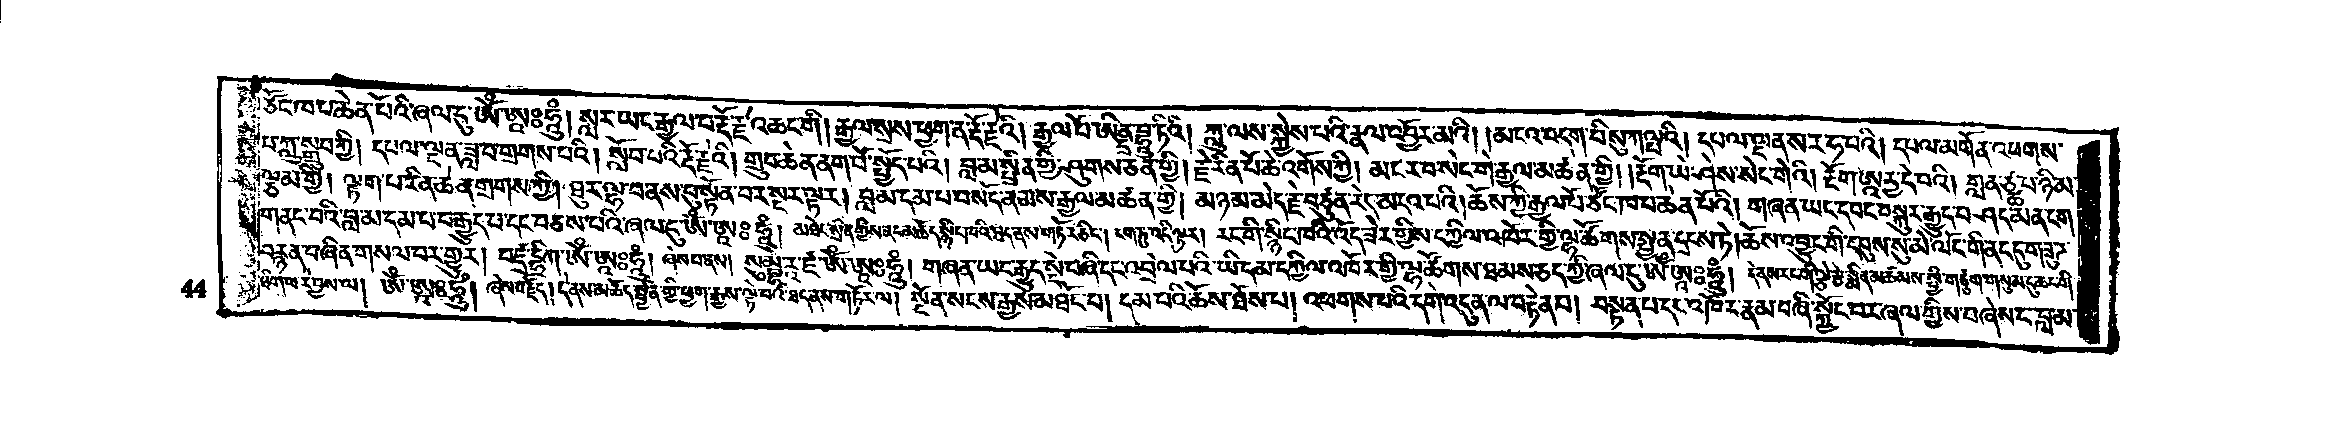ཙོང་ཁ་པ་ཆེན་པོའི་ཞལ་དུ་ཨོཾ་ཨཱཿ ཧཱུཾ། སླར་ཡང་རྒྱལ་བ་རྡོ་རྗེ་འཆང་གི །རྒྱལ་སྲས་ཕྱག་ན་རྡོ་རྗེའི། རྒྱལ་པོ་ཨིནྡྲ་བྷཱུ་ཏིའི། ཀླུ་ལས་སྐྱེས་པའི་རྣལ་འབྱོར་མའི། །མངའ་བདག་བི་སུ་ཀལྤའི། དཔལ་ལྡན་ས་ར་ཧ་པའི། དཔལ་མགོན་འཕགས་
པ་ཀླུ་སྒྲུབ་ཀྱི། དཔལ་ལྡན་ཟླ་བ་གྲགས་པའི། སློབ་པའི་རྡོ་རྗེའི། གྲུབ་ཆེན་ནག་པོ་སྤྱོད་པའི། བླ་མ་སྤྲིན་གྱི་ཤུགས་ཅན་གྱི། རྗེ་རིན་པོ་ཆེ་འགོས་ཀྱི། མངར་བ་སེང་གི་རྒྱལ་མཚན་གྱི། །རྡོག་ཡེ་ཤེས་སེང་གེའི། རྡོག་ཨཱརྱ་དེ་བའི། གླན་ཙྪ་པ་ཉི་མ་
ལྕམ་གྱི། ལྟག་པ་རིན་ཆེན་གྲགས་ཀྱི། ཐུར་ལྷ་བ་ནས་བུ་སྟོན་པར་སྔར་ལྟར། བླ་མ་དམ་པ་བསོད་ནམས་རྒྱལ་མཚན་གྱི། མཉམ་མེད་རྗེ་བཙུན་རེད་མདའ་པའི། ཆོས་ཀྱི་རྒྱལ་པོ་ཙོང་ཁ་པ་ཆེན་པོའི། གཞན་ཡང་དབང་བསྐུར་རྒྱུད་བཤད་མན་ངག་
གནད་པའི་བླ་མ་དམ་པ་བརྒྱུད་པ་དང་བཅས་པའི་ཞལ་དུ་ཨོཾ་ཨཱཿ ཧཱུཾ། མཐེབ་སྲིན་གྱིས་ནང་མཆོད་སྙིང་ཁའི་ཐད་ནས་གཏོར་ཅིང་། ངག་ཏུ་འདི་ལྟར།  རང་གི་སྙིང་ཁའི་འོད་ཟེར་གྱིས་དཀྱིལ་འཁོར་གྱི་ལྷ་ཚོགས་སྤྱན་དྲངས་ཏེ། ཆོས་འབྱུང་གི་དབུས་སུ་མེ་ལོང་གི་ནང་དུ་གཟུགས་
བརྙན་བཞིན་གསལ་བར་གྱུར། བཛྲ་དྷྲིཀ་ཨོཾ་ཨཱཿ ཧཱུཾ། ཞེས་པ་ནས།  སུམྦྷ་རཱ་ཛ་ཨོཾ་ཨཱཿ ཧཱུཾ། གཞན་ཡང་རྒྱུད་སྡེ་བཞི་དང་འབྲེལ་བའི་ཡི་དམ་དཀྱིལ་འཁོར་གྱི་ལྷ་ཚོགས་ཐམས་ཅད་ཀྱི་ཞལ་དུ་ཨོཾ་ཨཱཿ ཧཱུཾ། དེ་ནས་རང་གི་ལྕེ་རྩེ་སྨིན་མཚམས་སྤྱི་གཙུག་གསུམ་དུ་ཆང་གི་
ཐིགས་ལེ་རེ་བྱས་ལ། ཨོཾ་ཨཱཿ ཧཱུཾ། ཞེས་བརྗོད། དེ་ནས་མཆོད་སྦྱིན་གྱི་ཕྱག་རྒྱས་ལྟེ་བའི་ཐད་ནས་གཏོར་ལ།  སྔོན་སངས་རྒྱས་མཐོང་བ། དམ་པའི་ཆོས་ཐོས་པ། འཕགས་པའི་དགེ་འདུན་ལ་བརྟེན་པ། བསྟན་པ་དང་འཁོར་རྣམ་བཞི་སྐྱོང་བར་ཞལ་གྱིས་བཞེས་པ་བླ་མ་